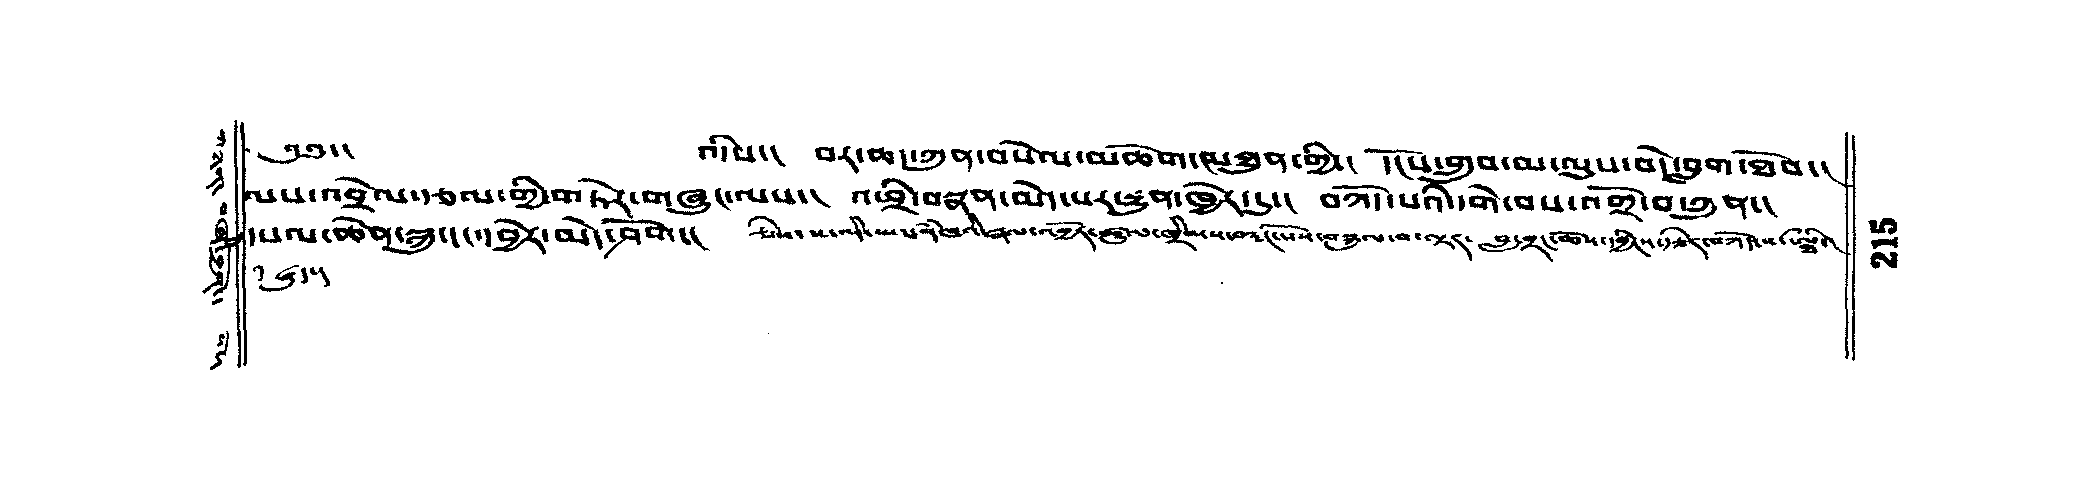འདིས། བར་ཆད་ཀུན་བསེལ་མཆོག་མཐུན་གྱི། དངོས་གྲུབ་མ་ལུས་བདེ་བླག་ཐོབ། 
ལས་འབྲེལ་རྩལ་གྱི་གཏོར་གཞུང་ལས། འཕྲི་བསྣན་མེད་པར་རྒྱུན་ཁྱེར་དུ། བཀོད་པའི་དགེ་བས་འགྲོ་བ་ཀུན། 
དཔལ་ཆེན་སྐུ་དང་དབྱེར་མེད་ཤོག ཅེས་པ་འདི་ཡང་ནམ་མཁའི་རྣལ་འབྱོར་ཚུལ་ཁྲིམས་བཟང་པོས་བསྐུལ་བ་ལྟར། བླ་བྲང་ཆོས་དབྱིངས་རྩེར་བཀོད་པ་།